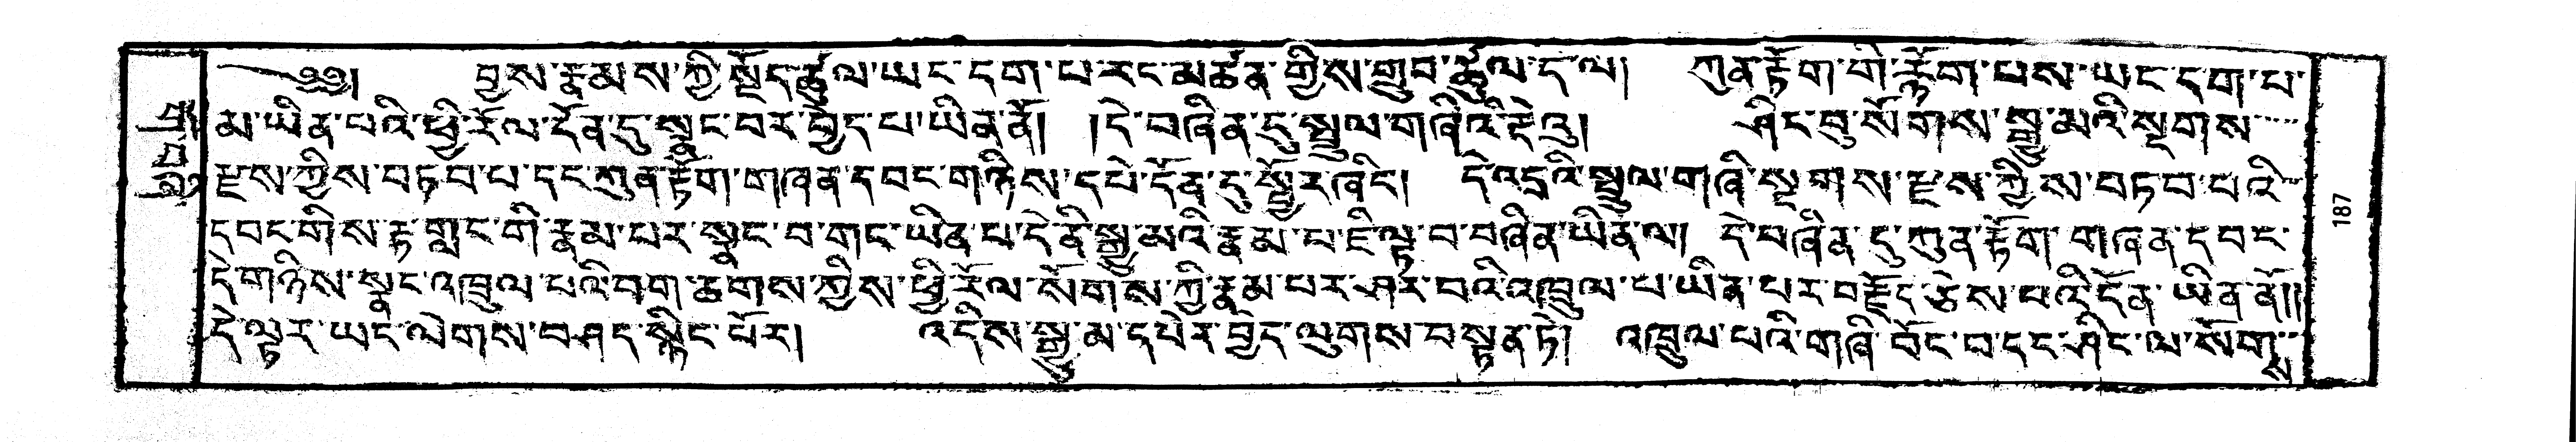༄༅། །བྱས་རྣམས་ཀྱི་སྡོད་ཚུལ་ཡང་དག་པ་རང་མཚན་གྱིས་གྲུབ་ཚུལ་དེ་ལ། ཀུན་རྟོག་གི་རྙོག་པས་ཡང་དག་པ་
མ་ཡིན་པའི་ཕྱི་རོལ་དོན་དུ་སྣང་བར་བྱེད་པ་ཡིན་ནོ། །དེ་བཞིན་དུ་སྤྲུལ་གཞིའི་རྡེའུ། ཤིང་བུ་སོགས་སྒྱུ་མའི་སྔགས་
རྫས་ཀྱིས་བཏབ་པ་དང་ཀུན་རྟོག་གཞན་དབང་གཉིས་དཔེ་དོན་དུ་སྦྱོར་ཞིང་། དེ་འདྲའི་སྤྲུལ་གཞི་སྔགས་རྫས་ཀྱིས་བཏབ་པའི་
དབང་གིས་རྟ་གླང་གི་རྣམ་པར་སྣང་བ་གང་ཡིན་པ་དེ་ནི་སྒྱུ་མའི་རྣམ་པ་ཇི་ལྟ་བ་བཞིན་ཡིན་ལ། དེ་བཞིན་དུ་ཀུན་རྟོག་གཞན་དབང་
དེ་གཉིས་སྣང་འཁྲུལ་པའི་བག་ཆགས་ཀྱིས་ཕྱི་རོལ་སོགས་ཀྱི་རྣམ་པར་ཤར་བའི་འཁྲུལ་པ་ཡིན་པར་བརྗོད་ཅེས་པའི་དོན་ཡིན་ནོ། །
དེ་ལྟར་ཡང་ལེགས་བཤད་སྙིང་པོར། འདིས་སྒྱུ་མ་དཔེར་བྱེད་ལུགས་བསྟན་ཏེ། འཁྲུལ་པའི་གཞི་བོང་བ་དང་ཤིང་ལ་སོགས་